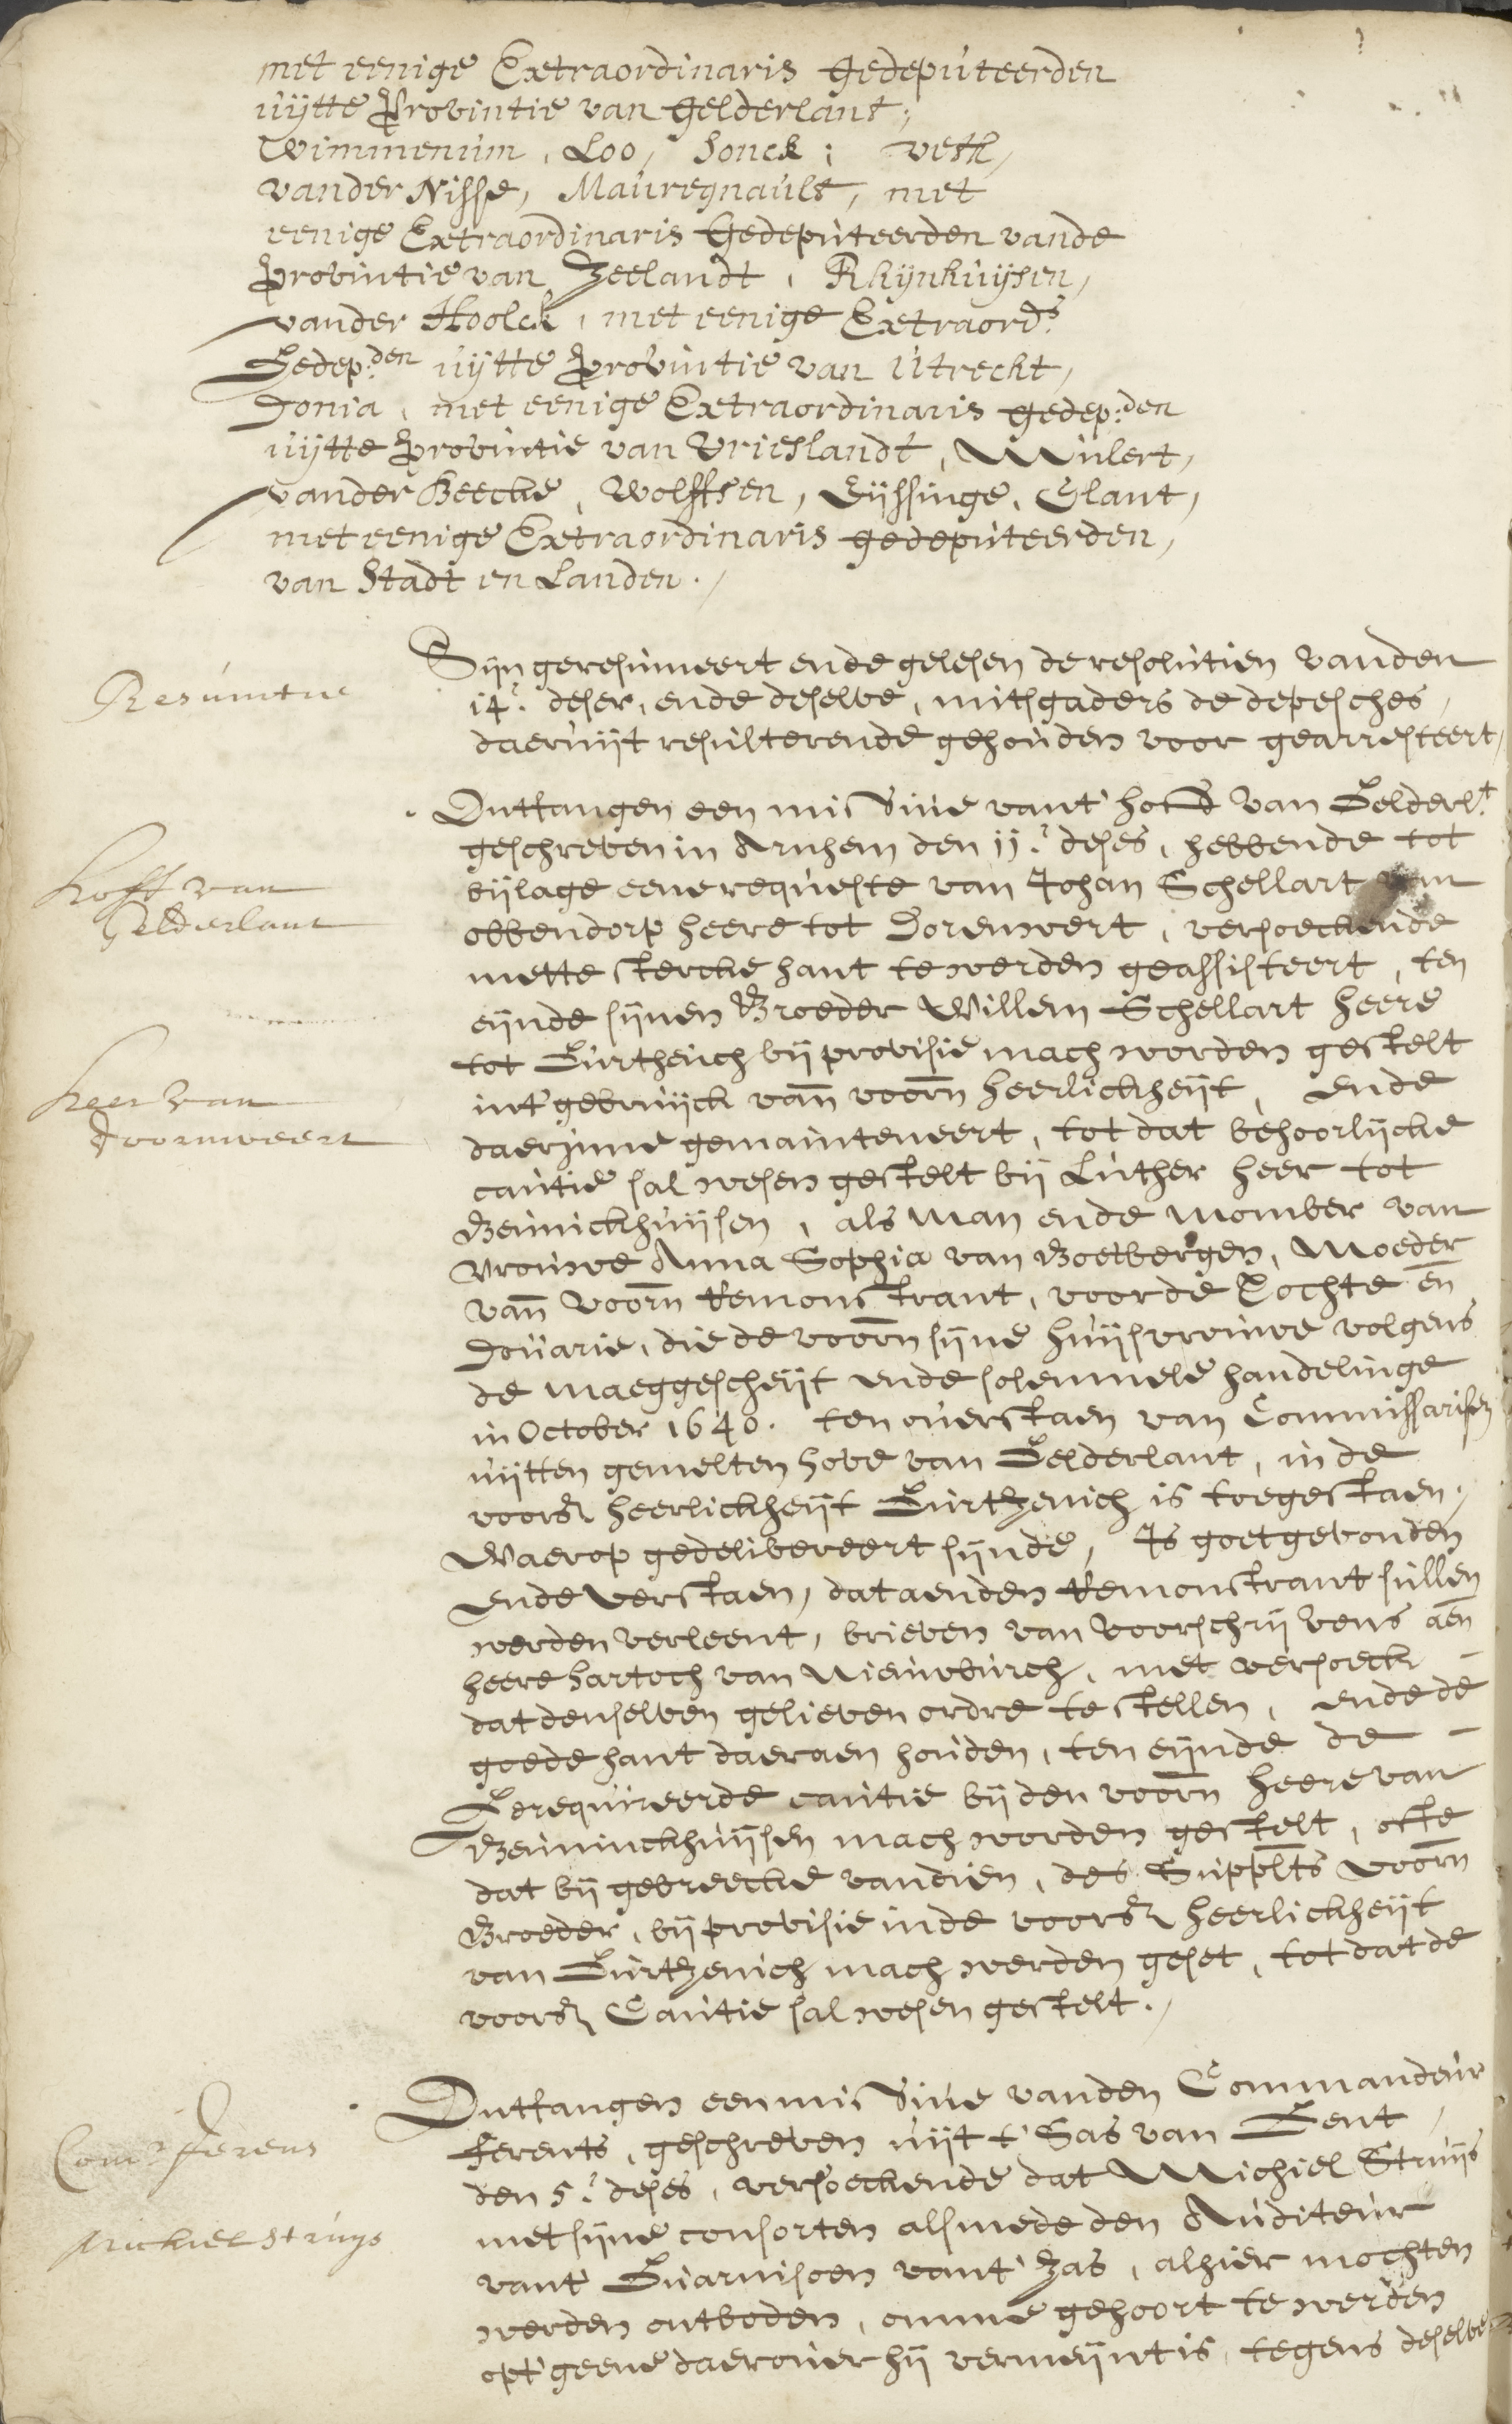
met eenige Extraordinaris Gedeputeerden
uijtte Provintie van Gelderlant;
Wimmenum, Loo, Sonck; Veth,
van der Nisse, Mauregnault, met
eenige Extraordinaris Gedeputeerden vande
Provintie van Zeelandt, Rhijnhuijsen,
vander Hoolck, met eenige Extraords.
Gedepden: uijtte Provintie van Utrecht,
Donia, met eenige Extraordinaris gedepden:
uijtte Provintie van Vrieslandt, Mulert,
vander Beecke, Wolffsen, Eijssinge, Clant,
met eenige Extraordinaris gedeputeerden,
van Stadt en Landen.
Resumtie
Sijn geresumeert ende gelesen de resolutien vanden
14e. deser, ende deselve, mitsgaders de depesches,
daeruijt resulterende gehouden voor gearresteert.
Hoff van
Gelderlant
heer van
Doornweert
Ontfangen een missiue vant' hoff van Gelderlt.
geschreven in Arnhem den 11e. deses, hebbende tot
bijlage eene requeste van Johan Schellart van
obbendorp heere tot Dorenwert, versoeckende
mette stercke hant te werden geassisteert, ten
eijnde sijnen Broeder Willem Schellart heere
tot Gurtheuch bij provisie mach worden gestelt
int' gebruijck van voorn heerlickheijt, ende
daerinne gemainteneert, tot dat behoorlijcke
cautie sal wesen gestelt bij Luther heer tot
Beunickhuijsen, als man ende momber van
vrouwe Anna Sophia van Boetbergen, Moeder
van voorn Remonstrant, voor de Tochte en
Douarie, die de voorn sijne huijsvrouwe volgens
de maeggescheijt ende solemnele handelinge
in October 1640. ten ouerstaen van Commissarisen
uijtten gemelten hove van Gelderlant, in de
voors. heerlickheijt Gurtzenich is toegestaen.
Waerop gedelibereert sijnde, Is goetgevonden
ende verstaen, dat aenden Remonstrant sullen
werden verleent, brieven van voorschrijvens aen
heere hartoch van Nieuwurch, met versoeck
dat denselven gelieven ordre te stellen, ende de
goede hant daeraen houden, ten eijnde de ¬
Gerequireerde cautie bij den voorn heere van
Beuninckhuijsen mach worden gestelt, ofte
dat bij gebreecke vandien, des Supplts voorn
Broeder, bij provisie inde voors heerlickheijt
van Gurtzenich mach werden geset, tot dat de
voors Cautie sal wesen gestelt.
Comr. Ferens
Michiel Struys
Ontfangen een missiue vanden Commandeur
Ferents, geschreven uijt t' Sas van Gent,
den 5e. deses, versoeckende dat Michiel Struijs
met sijne consorten alsmede den Auditeur
vant' Guarnisoen vant' Zas, alhier mochten
werden ontboden, omme gehoort te werden
opt' geene daerouer hij vermeijnt is, tegens deselve
